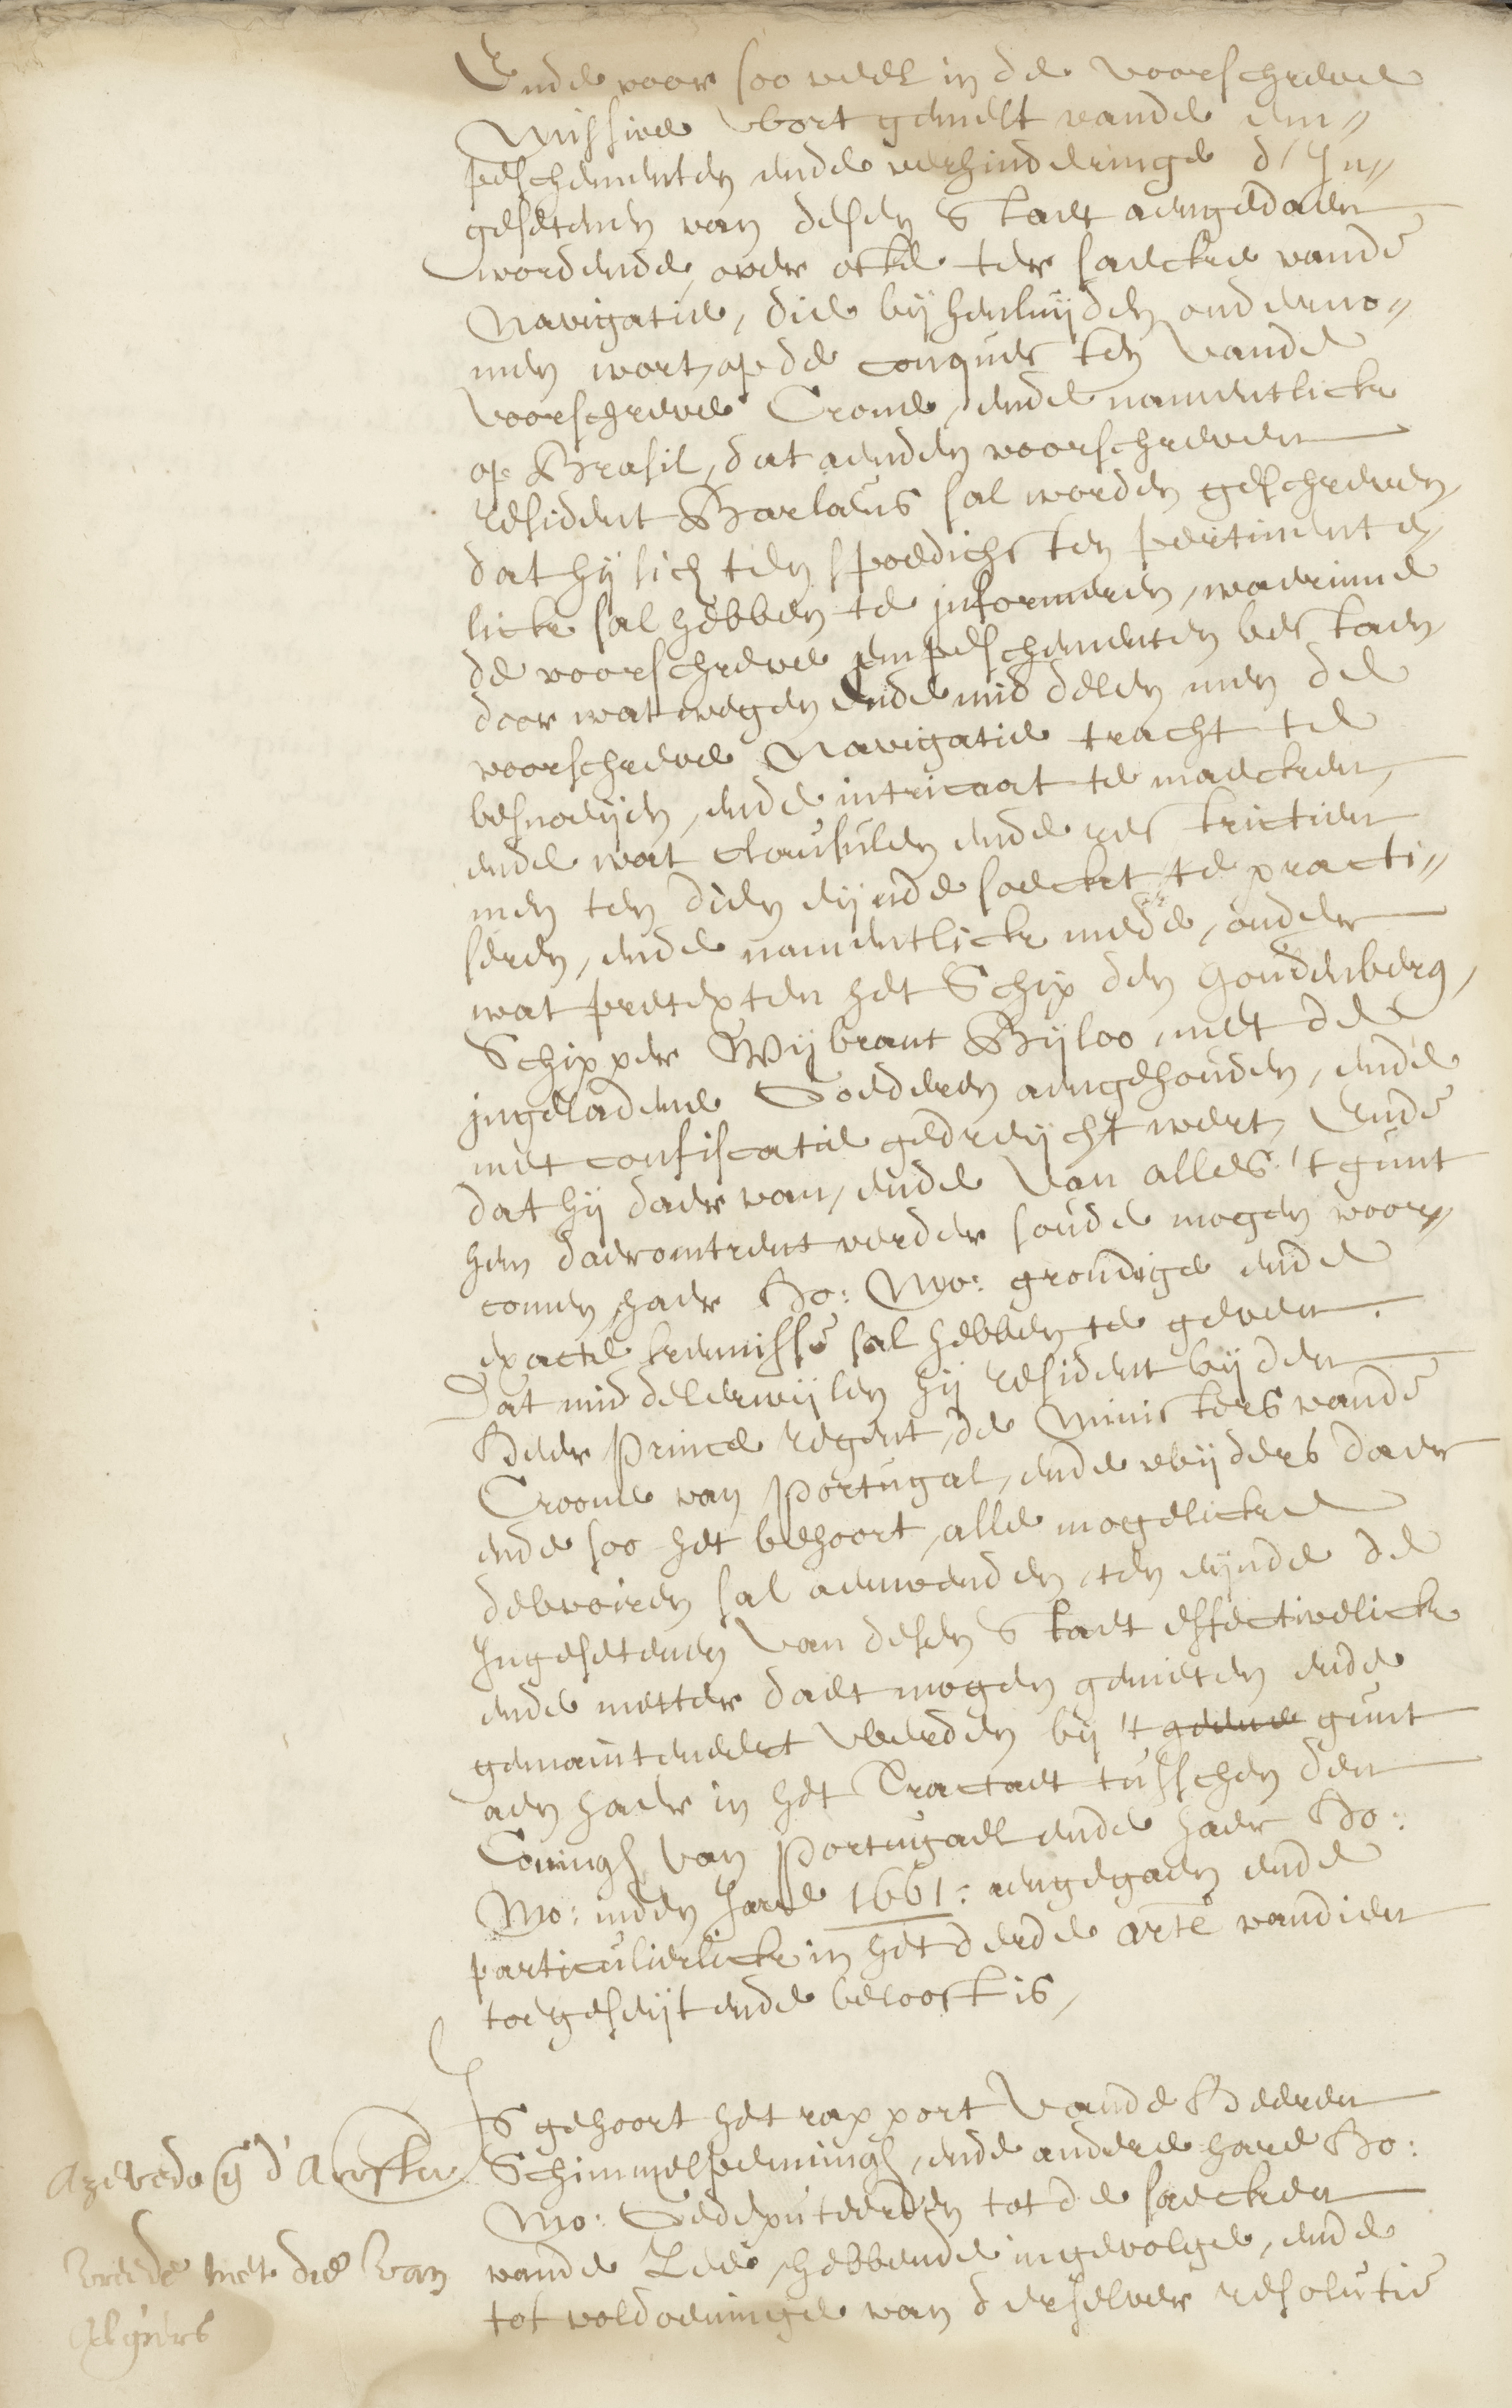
Ende voor soo veel in de voorschreve
missive wort gemelt vande em„
peschementen ende verhinderinge d'In,,
gesetenen van desen Staet aengedaen
wordende, over ofte ter saecke vande
navigatie, die bij henluijden onderno,,
men wort, opde conquesten vande
voorschreve Crone, ende namentlick
op Brasil, dat aenden voorschreven
resident Barlaeus sal worden geschreven.
dat hij sich ten spoedichsten pertinente„
lick sal hebben te informeren, waerinne
de voorschreve empeschementen bestaen,
door wat wegen ende middelen men de
voorschreve navigatie tracht te
besnoeijen, ende intricaat te maecken,
ende wat clousulen ende restrictien
men ten dien eijnde soeckt te practi„
seren, ende namentlick mede, onder
wat pretexten het Schip den Goudenberg
Schipper Wijbrant Bijloo, met de
ingeladene goederen aengehouden, ende
met confiscatie gedreijcht wert, ende
dat hij daer van, ende van alles 't gunt
hem daeromtrent verder soude mogen voor„
comen haer Ho:Mo: grondige ende
exacte kennisse sal hebben te geven.
Dat middelerwijlen hij resident bij den
Heer Prince regent, de Ministers vande
Croone van Portugal, ende wijders daer
ende soo het behoort, alle mogelicke
debvoiren sal aenwenden, ten eijnde de
Ingesetenen van desen Staet effectivelick
ende metter daet mogen genieten ende
gemainteneert werden bij 't geene gunt
aen haer in het Tractaet tusschen den
Coningh van Portugael ende haer Ho:
Mo: inden Jare 1661: aengegaen ende
particulierlick in het derde artl vandien
toegeseijt ende belooft is,
Azevedo & d'Acosta,
vreede met die van
Algiers
Is gehoort het rapport vande Heeren
Schimmelpenningh, ende andere hare Ho:
Mo: Gedeputeerden tot de saecken
vande zee, hebbende ingevolge, ende
tot voldoeninge van derselver resolutie
